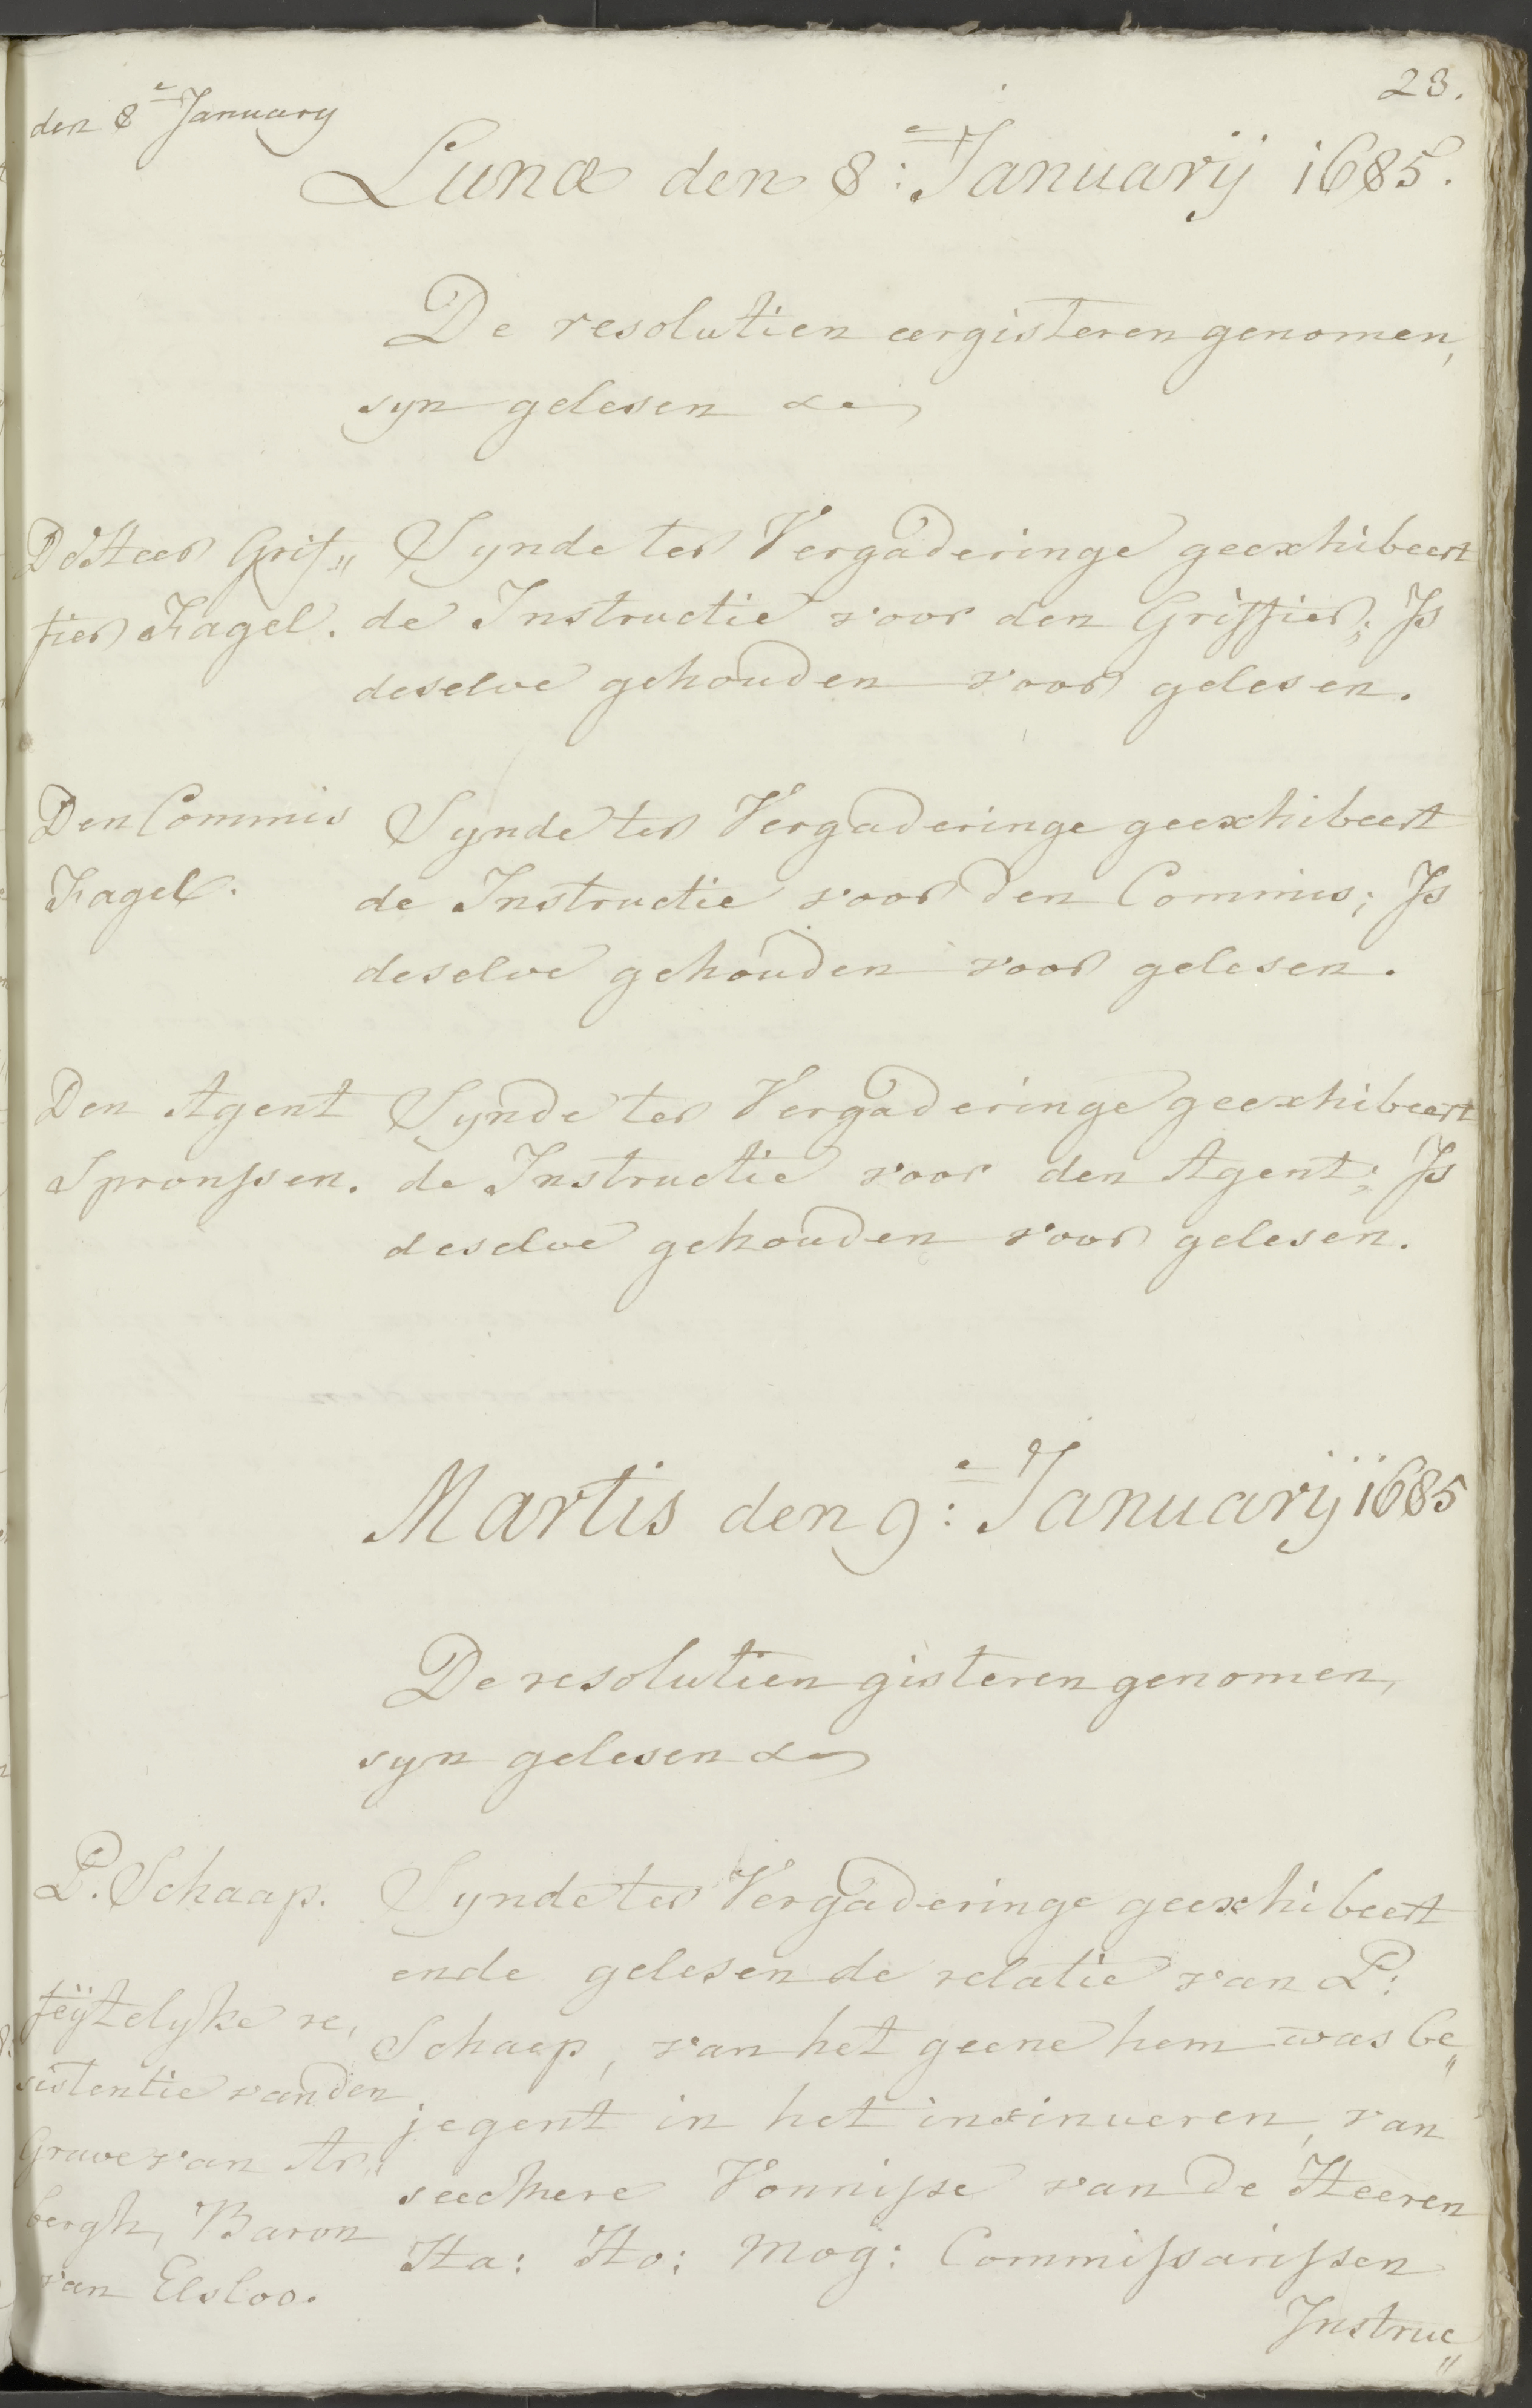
23.
den 8e January
Lunæ den 8e: Januarij 1685.
De resolutien eergisteren genomen,
sijn gelesen de
De Heer Grif„
fier Fagel.
Sijnde ter Vergaderinge geexhibeert
de Instructie voor den Griffier; Is
deselve gehouden voor gelesen.
Den Commis
Fagel.
Sijnde ter Vergaderinge geexhibeert
de Instructie voor den Commis, Is
deselve gehouden voor gelesen.
Den Agent
Spronssen.
Sijnde ter Vergaderinge geextibeert
de Instructie voor den Agent; Is
deselve gehouden voor gelesen.
Martis den 9e: Januarij 1685.
De resolutien gisteren genomen,
syn gelesen &
P. Schaap
Feijtelijke re,
sistentie van den
Grave van Ar„
bergh, Baron
van Elsloo.
Sijnde ter Vergaderinge geexhibeert
ende gelesen de relatie van P:
Schaep, van het geene hem was be„
jegent in het insinueren, van
seeckere Vonnisse van de Heeren
Ha: Ho: Mog: Commissarissen
Instruc„
